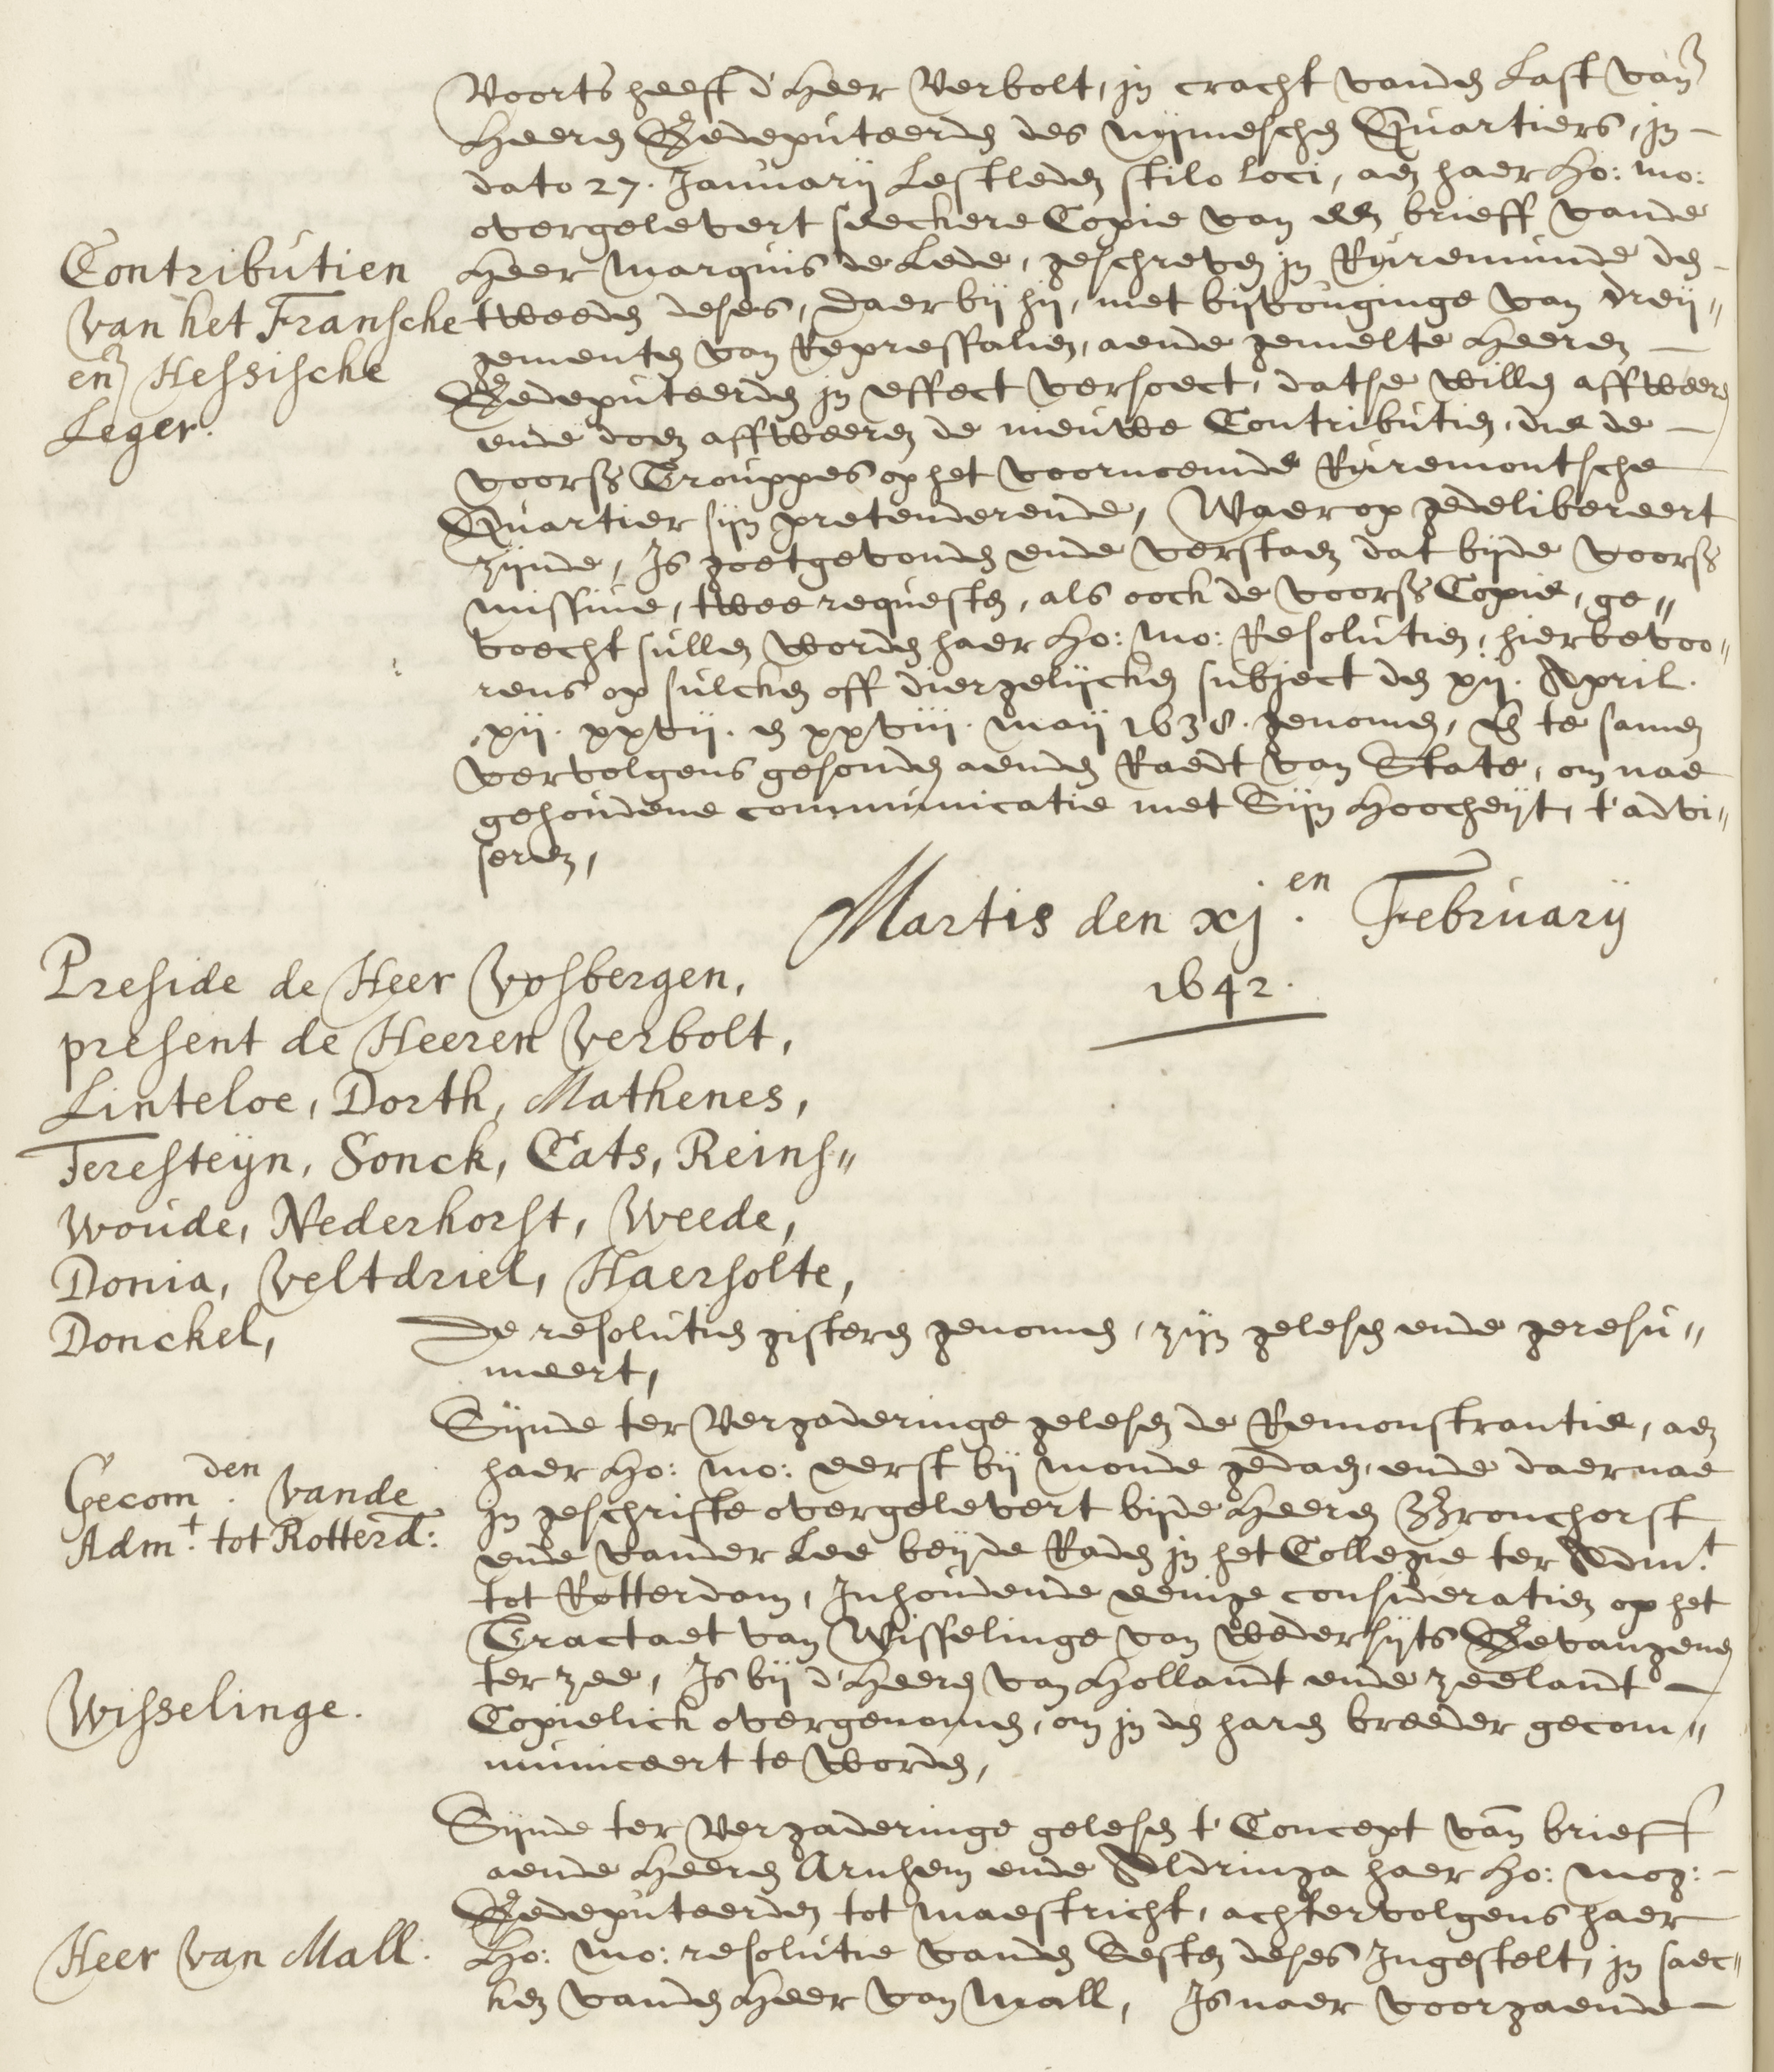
Contributien
van het Fransche
en Hessische
Leger.
Voorts heeft d'heer Verbolt, in cracht vanden Last van
Heeren Gedeputeerden des Nijmeschen Quartiers, in
dato 27. Januarij lestleden stilo loci, aen haer Ho:Mo:
overgelevert seeckere Copie van een brieff vande
heer Marquis de Lede, geschreven in Ruremunde den -
tweeden deses, Daer bij hij, met bijvouginge van dreij„
gementen van Repressalien, aende gemelte heeren —
Gedeputeerden in effect versoect, datse willen affweeren
ende doen affweeren de nieuwe Contributien, die de
voors Trouppes op het voornoemde Ruremontsche
Quartier sijn pretenderende. Waerop gedelibereert
zijnde, Is goetgevonden ende verstaen dat bijde voors
missive, twee requesten, als oock de voors Copie, ge„
voecht sullen worden haer Ho:Mo: Resolutien, hierbevoo„
rens op sulcken off diergelijcken subject den xij. April.
xij. xxvij. en xxviij. maij 1638. genomen, & te samen
vervolgens gesonden aenden Raedt van State, om nae
gehoudene communicatie met Sijn Hoocheijt, t'advi„
seren.
Martis den xjen. Februarij
1642
Preside de Heer Vosbergen,
present de Heeren Verbolt,
Linteloe, Dorth, Mathenes,
Teresteijn, Sonck, Cats, Reins„
woude, Nederhorst, Weede,
Donia, Veltdriel, Haersolte,
Donckel,
De resolutien gisteren genomen, zijn gelesen ende geresu„
meert.
Gecomden. vande
Admt. tot Rotterd:
Wisselinge.
Sijnde ter Vergaderinge gelesen de Remonstrantie, aen
haer Ho:Mo: eerst bij monde gedaen, ende daernae
In geschrifte overgelevert bijde Heeren Brouchorst
ende vander Lee beijde Raden in het Collegie ter Admt.
tot Rotterdam, Inhoudende eenige consideratien op het
Tractaet van Wisselinge van wedersijts Gevangenen
ter zee, Is bij d'Heeren van Hollant ende zeelandt —
Copielick overgenomen, om in den haren breeder gecom„
municeert te worden,
Heer van Mall.
Sijnde ter Vergaderinge gelesen t'Concept van brieff
aende heeren Arnhem ende Aldringa haer Ho:Mo:
Gedeputeerden tot Maestricht, achtervolgens haer
Ho:Mo: resolutie vanden Sesten deses Ingestelt, in saec„
ken vanden heer van Mall, Is naer voorgaende —
